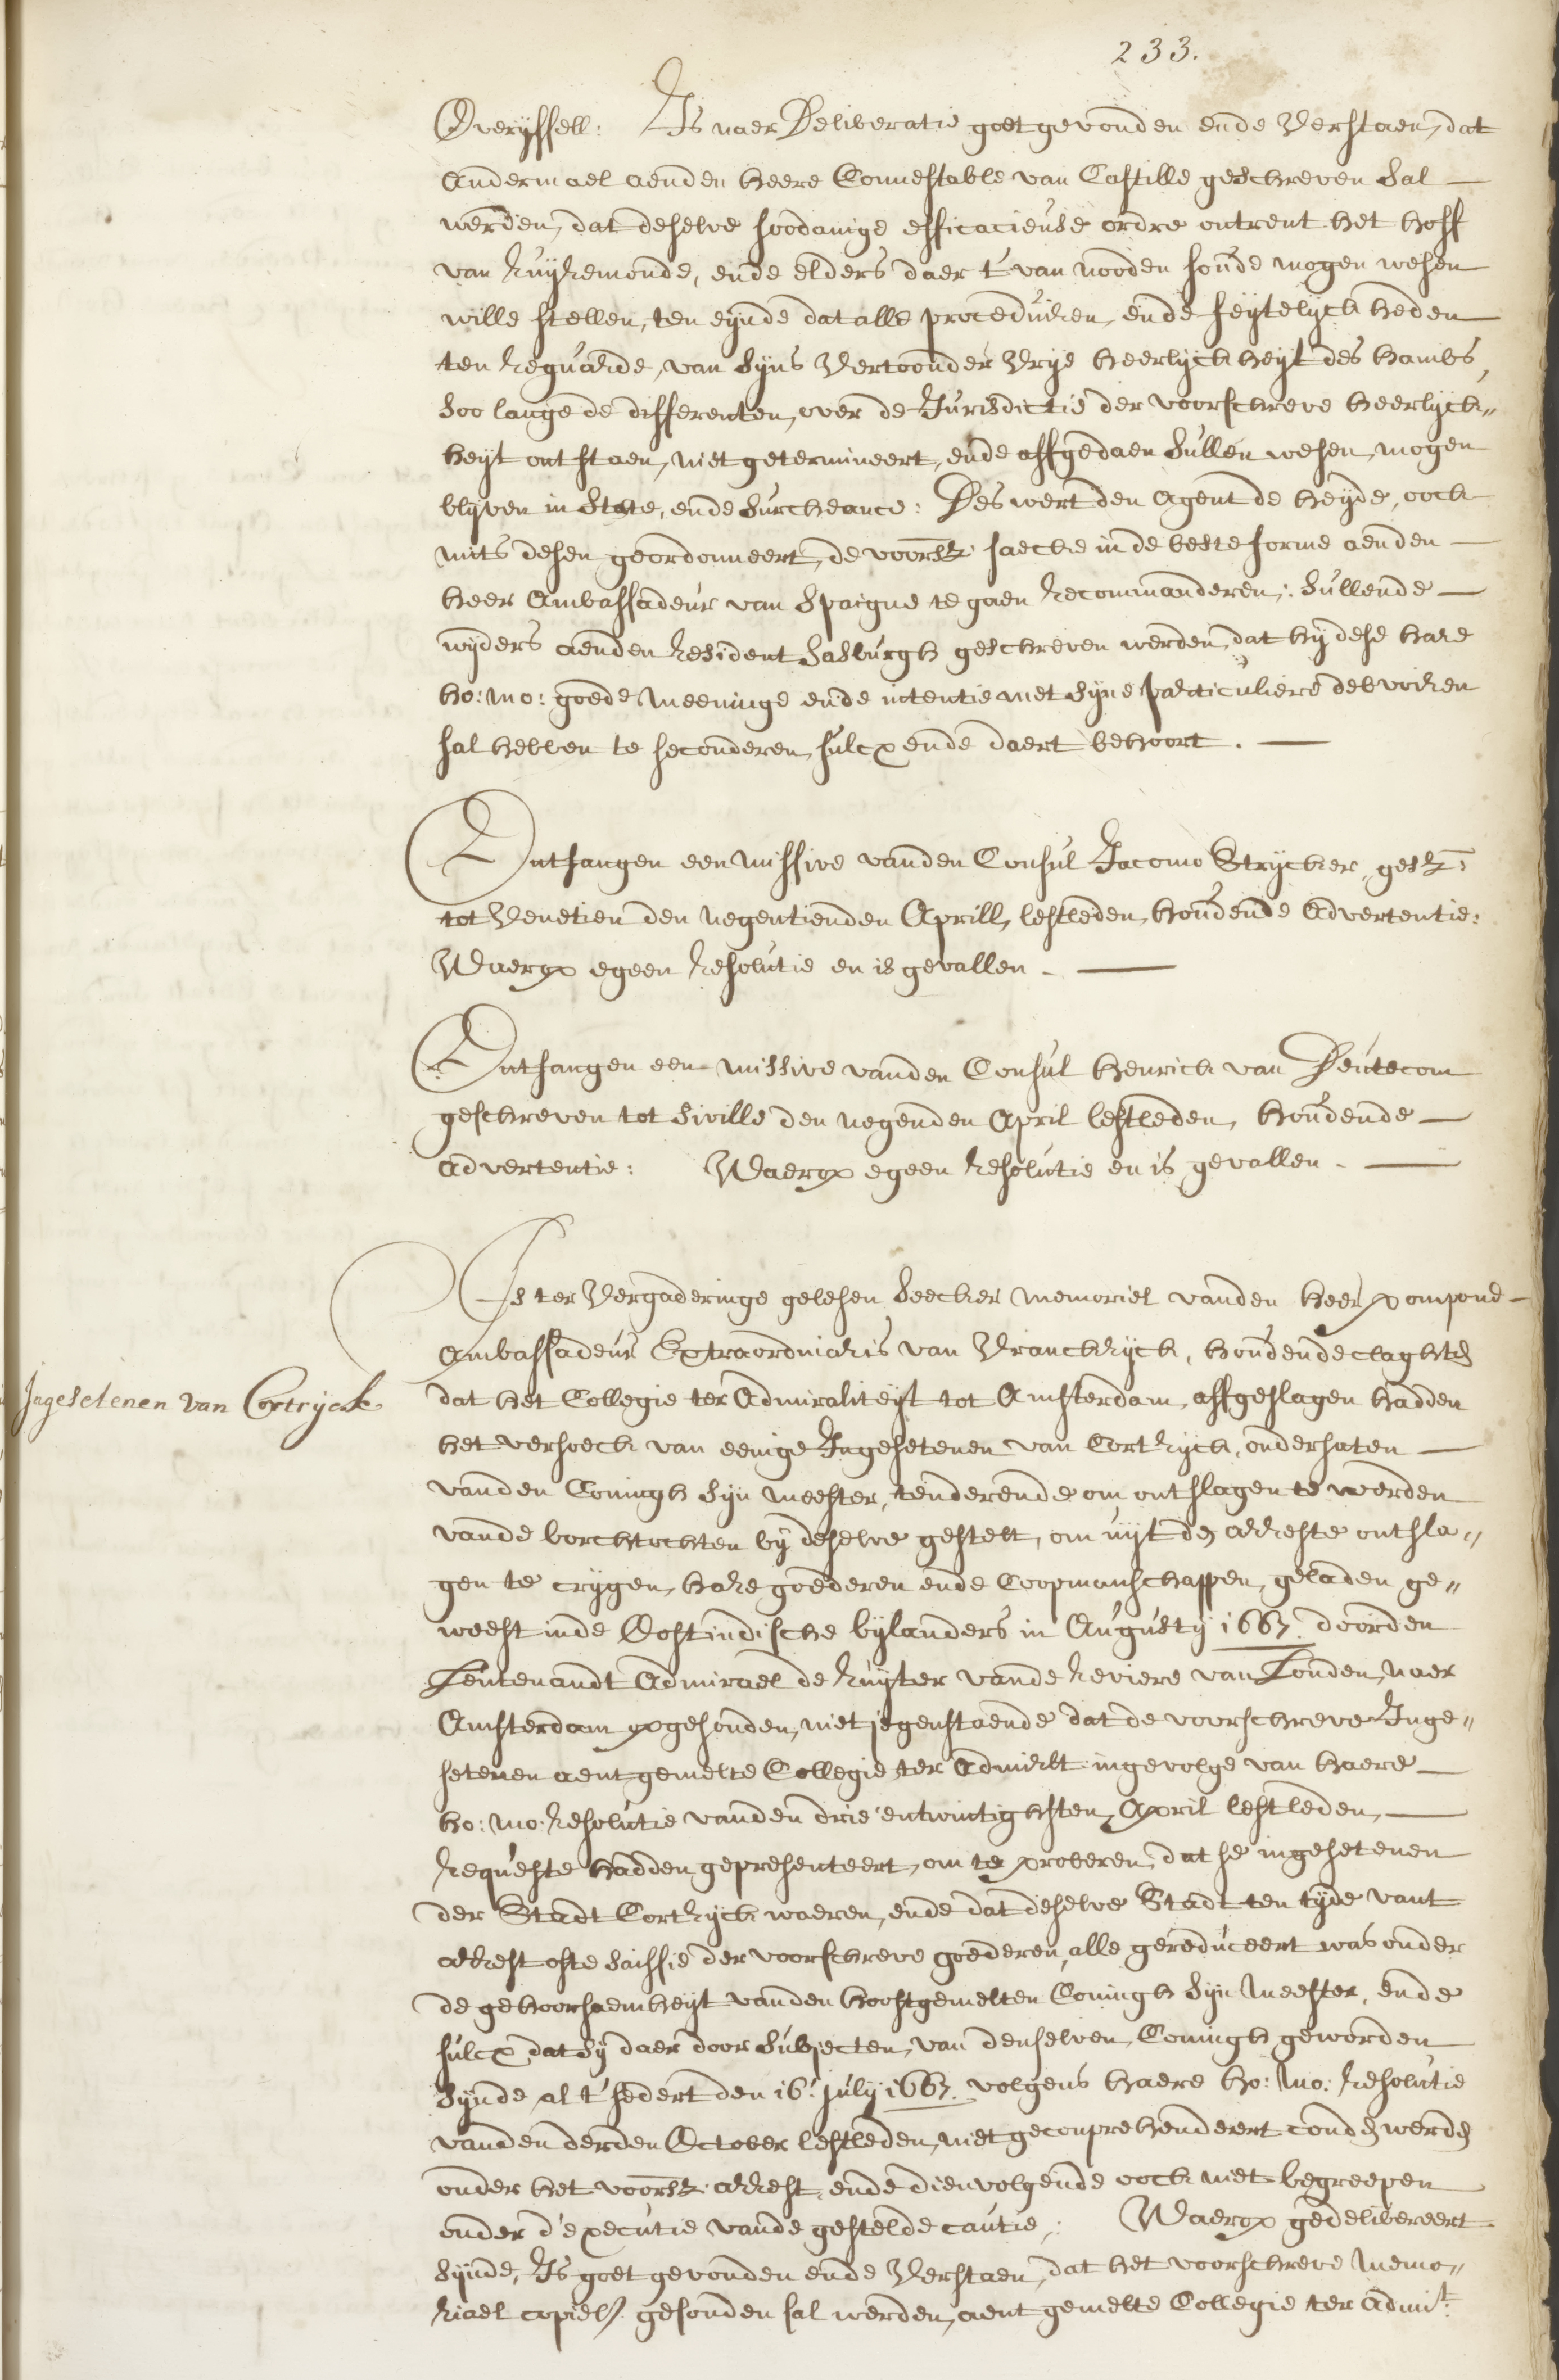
233.
Overijssell: Is naer Deliberatie goetgevonden ende verstaen, dat
andermael aenden Heere Connestable van Castille geschreven Sal —
werden, dat deselve soodanige efficacieuse ordre ontrent het hoff
van Ruijremonde, ende elders daer t' van nooden soude mogen wesen
wille stellen, ten eijnde dat alle proceduiren, ende feijtelijck heden
ten reguarde, van Sijns Vertoonder vrije heerlijckheijt des Hambs
soo lange de differenten, over de Jurisdictie der voorschreve heerlijck,,
heijt ontstaen, niet getermineert, ende affgedaen Sullen wesen, mogen
blijven in State, ende Surcheance: Des wert den agent de heijde, oock
mits desen geordonneert, de voorsr. saecke in de beste forme aenden
heer Ambassadeur van Spaigne te gaen recommanderen: Sullende —
wijders aenden resident Sasburgh geschreven werden, dat hij dese hare
Ho:Mo: goede meeninge ende intentie met sijne particuliere debvoiren
sal hebben te seconderen, sulcx ende daert behoort.
Ontfangen een missive vanden Consul Jacomo Strijcker, gesr.
tot Venetien den negentienden Aprill, lestleden, houdende Advertentie:
Waerop egeen resolutie en is gevallen. —
Ontfangen een missive vanden Consul Henrick van Deutecom
geschreven tot Siville den negenden April lestleden, houdende —
advertentie: Waerop egeen resolutie en is gevallen.
Ingesetenen van Cortrijck
Is ter Vergaderinge gelesen Seecker memoriel vanden heer pompond
Ambassadeur Extraordinaris van Vranckrijck, houdende claghten
dat het Collegie ter Admiraliteijt tot Amsterdam, affgeslagen hadden
het versoeck van eenige Ingesetenen van Cortrijck, ondersaten
vanden Coningh Sijn meester, tenderende om ontslagen te worden
vande borchtochten bij deselve gestelt, om uijt den arreste ontsla„
gen te crijgen, hare goederen ende Coopmanschappen, geladen ge„
weest inde Oostindische bijlanders in Augustij 1667 doorden
Leutenandt Admirael de Ruijter vande reviere van Londen naer
Amsterdam opgesonden, niet jegenstaende dat de voorschreve Inge„
setenen aent gemelte Collegie ter Admirlt: ingevolge van haere —
Ho:Mo: resolutie vanden drie 'entwintighsten, April lestleden,
requeste hadden gepresenteert, om te proberen, dat se ingehetenen
der Stadt Cortrijck waeren, ende dat deselve Stadt ten tijde vant
arrest ofte saissie der voorschreve goederen alle gereduceert was onder
de gehoorsaemheijt van den Hoostgemelten Coningh Sijn meester, ende
sulcx dat sij daer door subjecten, van denselven, Coningh geworden
Sijnde al t` sedert den 16: julij 1667 volgens haere Ho:Mo: resolutie
vanden derden October lestleden, niet geconprehendeert conden werden
onder het voorsr. arrest, ende dienvolgende oock niet begreepen
onder d'executie vande gestelde cautie; Waerop gedelibereert
sijnde, Is goet gevonden ende verstaen, dat het voorschreve memo„
riael copiel gesonden sal werden aent gemelte Collegie ter Admit:
